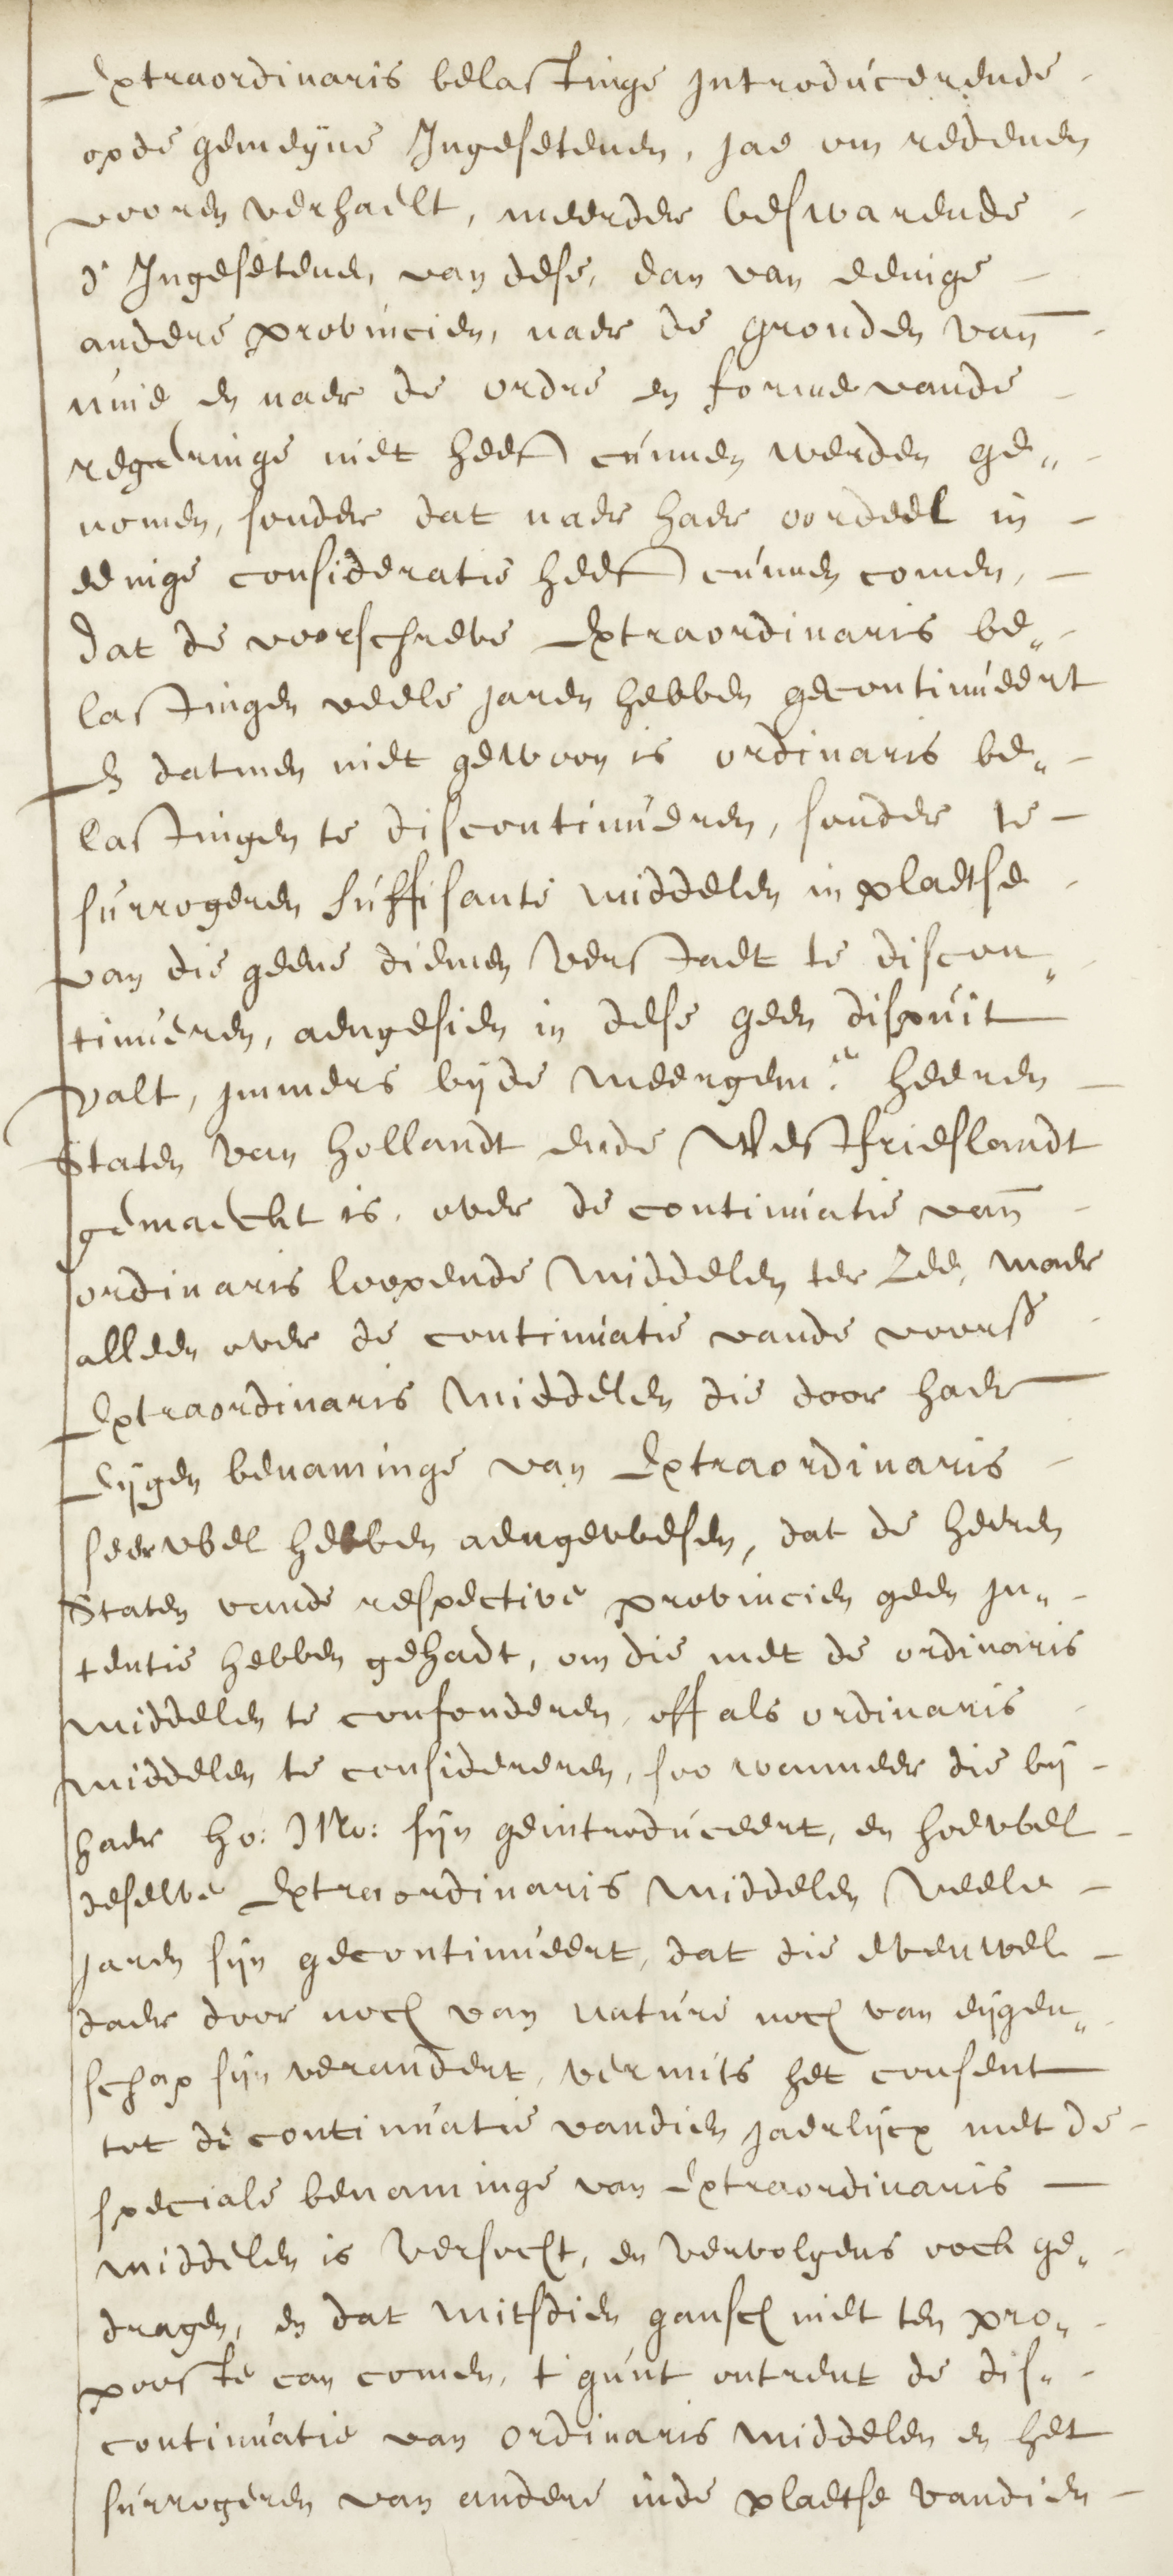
extraordinaris belastinge introducerende
opde gemeijne Ingesetenen, jae om redenen
vooren verhaelt, meerder beswarende
d'ingesetenen van dese, dan van eenige
andere provincien, naer de gronden van
Unie en naer de ordre en forme vande
regeringe niet heeft cunnen werden ge„
nomen, sonder dat naer haer oordeel in
eenige consideratie heeft cunnen comen,
dat de voorschreve extraordinaris be„
lastingen veele jaren hebben gecontinueert
en datmen niet gewoon is ordinaris be„
lastingen te discontinueren, sonder te
surrogeren suffisante middelen in plaetse
van die geene diemen verstaet te discon,,
tinueren, aengesien in dese geen dispuit
valt, immers bij de meergeme. heeren
Staten van Hollandt ende Westfrieslandt
gemaeckt is, over de continuatie van
ordinaris loopende middelen ter zee, maer
alleen over de continuatie vande voors
extraordinaris middelen die door haer
eijgen benaminge van extraordinaris
seer wel hebben aengewesen, dat de heeren
Staten vande respective provincien geen in„
tentie hebben gehadt, om die met de ordinaris
middelen te consenderen, off als ordinaris
middelen te considereren, soo wanneer die bij
haer ho:Mo: sijn geintroduceert, en hoewel
deselve extraordinaris middelen veele
jaren sijn gecontinueert, dat die evenwel
daer door noch van nature noch van eijgen,,
schap sijn verandert, vermits het consent
tot de continuatie vandien jaerlijcx met de
speciale benaminge van extraordinaris
middelen is versocht, en vervolgens oock ge„
dragen, en dat mitsdien gansch niet ten pro„
pooste can comen, t'gunt ontrent de dis„
continuatie van ordinaris middelen en het
surrogeren van andere inde plaetse vandien
